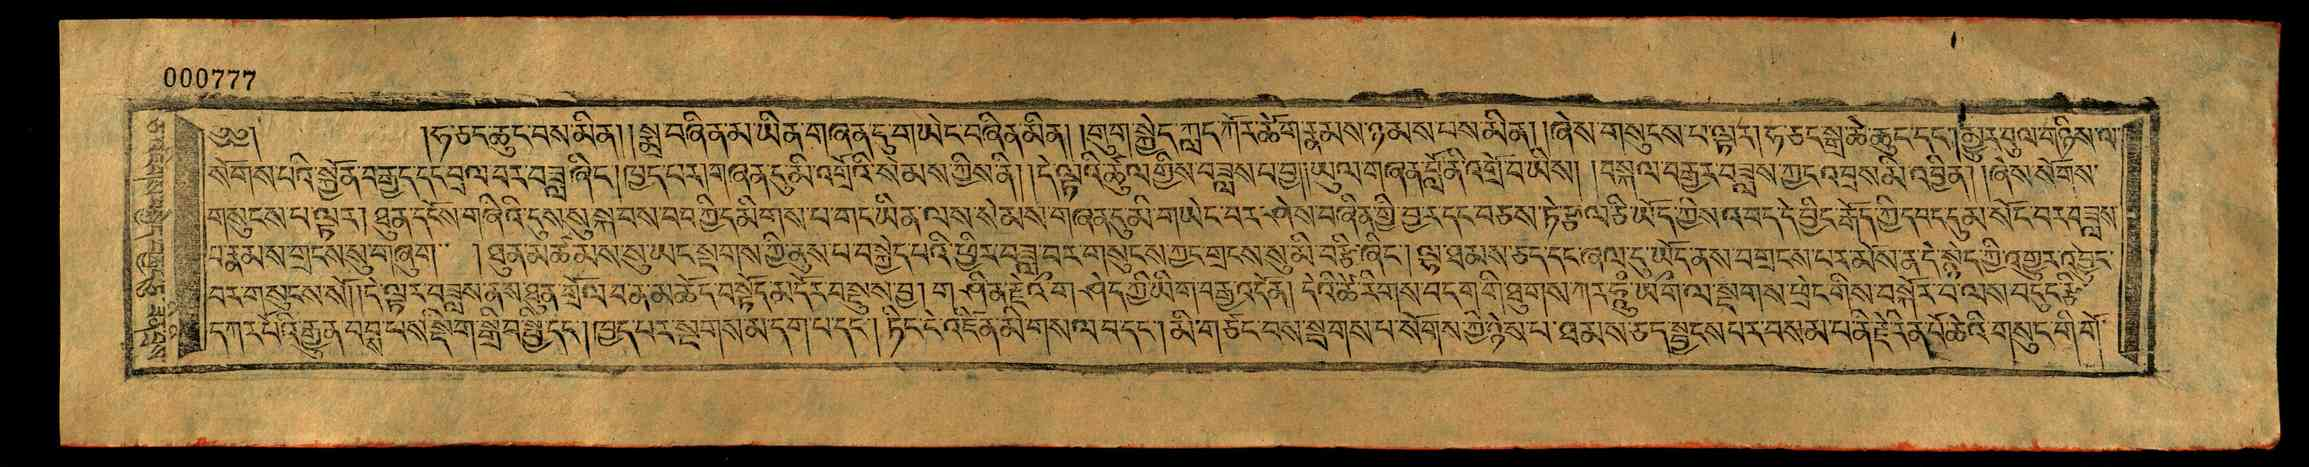༄༅། །ཧ་ཅང་ཆུང་བས་མིན། །སྨྲ་བཞིན་མ་ཡིན་གཞན་དུ་གཡེང་བཞིན་མིན། །གུག་སྐྱེད་ཀླད་ཀོར་ཚེག་རྣམས་ཉམས་པས་མིན། །ཞེས་གསུངས་པ་ལྟར། ཧ་ཅང་སྒྲ་ཆེ་ཆུང་དང་། མྱུར་བུལ་གཉིས་ལ་
སོགས་པའི་སྐྱོན་བརྒྱད་དང་བྲལ་བར་བཟླ་ཞིང་། ཁྱད་པར་གཞན་དུ་མི་འགྲོའི་སེམས་ཀྱིས་ནི། །དེ་ལྟའི་ཚུལ་གྱིས་བཟླས་པ་བྱ། །ཡུལ་གཞན་བློ་ནི་འགྲོ་བ་ཡིས། །བསྐལ་བརྒྱར་བཟླས་ཀྱང་འབྲས་མི་འབྱིན། །ཞེས་སོགས་
གསུངས་པ་ལྟར། ཐུན་དངོས་གཞིའི་དུས་སུ་སྐབས་བབ་ཀྱི་དམིགས་པ་གང་ཡིན་ལས་སེམས་གཞན་དུ་མི་གཡེང་བར་ཤེས་བཞིན་གྱི་བྱ་ར་དང་བཅས་ཏེ་རྩལ་ཅི་ཡོད་ཀྱིས་འབད་དེ་བྱིང་རྒོད་ཀྱི་དབང་དུ་མ་སོང་བར་བཟླས་
པ་རྣམས་གྲངས་སུ་གཞུག །ཐུན་མཚམས་སུ་ཡང་སྔགས་ཀྱི་ནུས་པ་བསྐྱེད་པའི་ཕྱིར་བཟླ་བར་གསུངས་ཀྱང་གྲངས་སུ་མི་བརྩི་ཞིང་། ལྷ་ཐམས་ཅད་དང་ཞལ་དུ་ཡོད་ནས་བགྲངས་པར་མོས་ན་དེ་སྙེད་ཀྱི་འགྱུར་འབྱུང་
བར་གསུངས་སོ། །དེ་ལྟར་བཟླས་ནས་ཐུན་གྲོལ་བ་ན་མཆོད་བསྟོད་མདོར་བསྡུས་བྱ། གཤིན་རྗེའི་གཤེད་ཀྱི་ཡིག་བརྒྱ་འདོན། དེའི་ཚེ་རིགས་བདག་གི་ཐུགས་ཀར་ཧཱུཾ་ཡིག་ལ་སྔགས་འཕྲེང་གིས་བསྐོར་བ་ལས་བདུད་རྩི་
དཀར་པོའི་རྒྱུན་བབས་པས་སྡིག་སྒྲིབ་སྤྱི་དང་། ཁྱད་པར་སྔགས་མ་དག་པ་དང་། ཏིང་ངེ་འཛིན་མི་གསལ་བ་དང་། མི་གཙང་བས་སྦགས་པ་སོགས་ཀྱི་ཉེས་པ་ཐམས་ཅད་སྦྱངས་པར་བསམ་པ་ནི་རྗེ་རིན་པོ་ཆེའི་གསུང་གི་གོ་